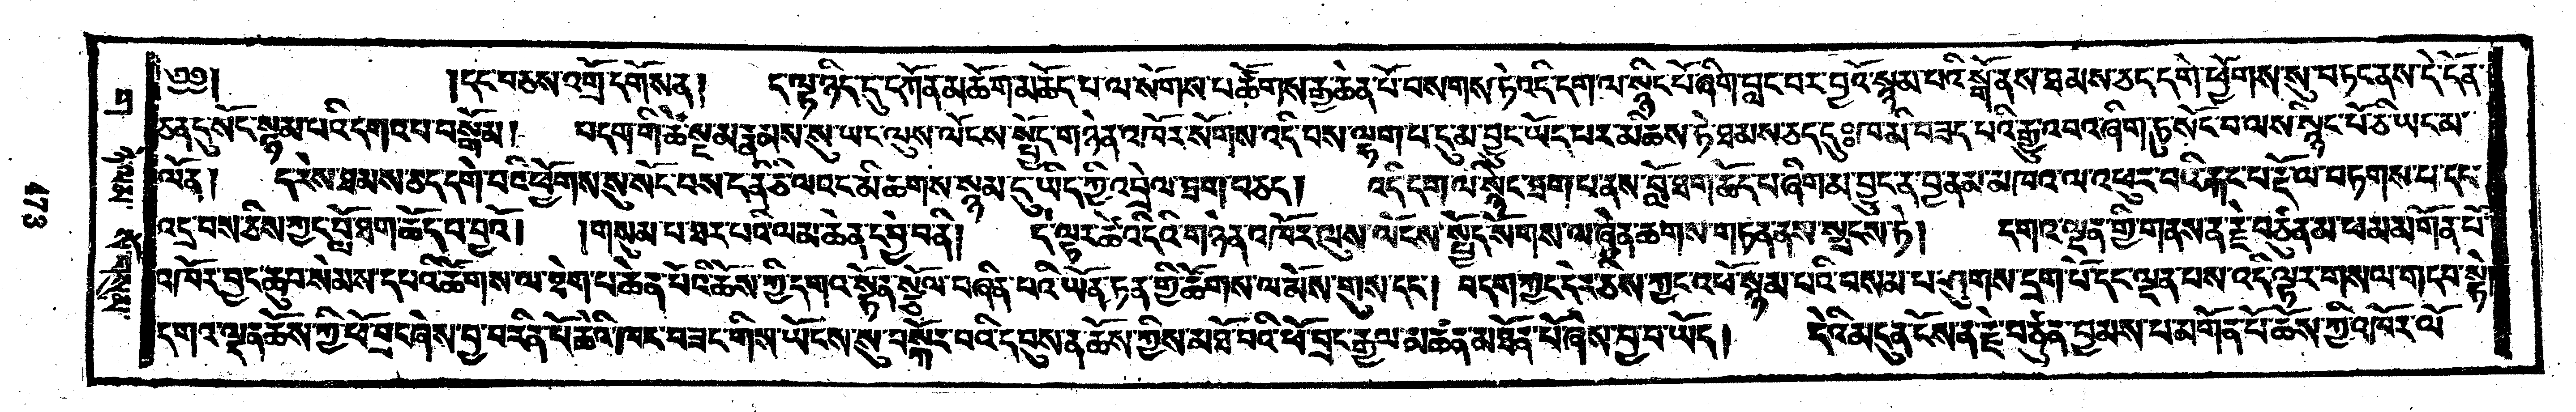༄༅། །དང་བཅས་འགྲོ་དགོས་ན། ད་ལྟ་ཉིད་དུ་དཀོན་མཆོག་མཆོད་པ་ལ་སོགས་པ་ཚོགས་རྒྱ་ཆེན་པོ་བསགས་ཏེ་འདི་དག་ལ་སྙིང་པོ་ཞིག་བླང་བར་བྱའོ་སྙམ་པའི་སྒོ་ནས་ཐམས་ཅད་དགེ་ཕྱོགས་སུ་བཏང་ནས་དེ་དོན་
ཅན་དུ་སོང་སྙམ་པའི་དགའ་པ་བསྒོམ། བདག་གི་ཚེ་སྔ་མ་རྣམས་སུ་ཡང་ལུས་ལོངས་སྤྱོད་གཉེན་འཁོར་སོགས་འདི་བས་ལྷག་པ་དུ་མ་བྱུང་ཡོད་པར་མཆིས་ཏེ་ཐམས་ཅད་དུཿཁ་མི་བཟད་པའི་རྒྱུ་འབའ་ཞིག་ཏུ་སོང་བ་ལས་སྙིང་པོ་ཅི་ཡང་མ་
ལོན། ད་རེས་ཐམས་ཅད་དགེ་བའི་ཕྱོགས་སུ་སོང་བས་ད་ནི་ཅི་ལའང་མི་ཆགས་སྙམ་དུ་ཡིད་ཀྱི་འབྲེལ་ཐག་བཅད། འདི་དག་ལ་སྙིང་ཐག་པ་ནས་བློ་ཐག་ཆོད་པ་ཞིག་མ་བྱུང་ན་བྱ་ནམ་མཁའ་ལ་འཕུར་པའི་རྐང་པ་རྡོ་ལ་བཏགས་པ་དང་
འདྲ་བས་ཅིས་ཀྱང་བློ་ཐག་ཆོད་པ་བྱའོ། །གསུམ་པ་ཐར་པའི་ལམ་ཆེན་དབྱེ་བ་ནི། དེ་ལྟར་ཚེ་འདིའི་གཉེན་འཁོར་ལུས་ལོངས་སྤྱོད་སོགས་ལ་ཞེན་ཆགས་གཏན་ནས་སྤངས་ཏེ། དགའ་ལྡན་གྱི་གནས་ན་རྗེ་བཙུན་མ་ཕམ་མགོན་པོ་
འཁོར་བྱང་ཆུབ་སེམས་དཔའི་ཚོགས་ལ་ཐེག་པ་ཆེན་པོའི་ཆོས་ཀྱི་དགའ་སྟོན་སྩོལ་བཞིན་པའི་ཡོན་ཏན་གྱི་ཚོགས་ལ་མོས་གུས་དང་། བདག་ཀྱང་དེར་ཅིས་ཀྱང་འཕོ་སྙམ་པའི་བསམ་པ་ཤུགས་དྲག་པོ་དང་ལྡན་པས་འདི་ལྟར་གསལ་གདབ་སྟེ།
དགའ་ལྡན་ཆོས་ཀྱི་ཕོ་བྲང་ཞེས་བྱ་བ་རིན་པོ་ཆེའི་ཁང་བཟང་གིས་ཡོངས་སུ་བསྐོར་བའི་དབུས་ན་ཆོས་ཀྱིས་མཐོ་བའི་ཕོ་བྲང་རྒྱལ་མཚན་མཐོན་པོ་ཞེས་བྱ་བ་ཡོད། དེའི་མདུན་ངོས་ན་རྗེ་བཙུན་བྱམས་པ་མགོན་པོ་ཆོས་ཀྱི་འཁོར་ལོ་